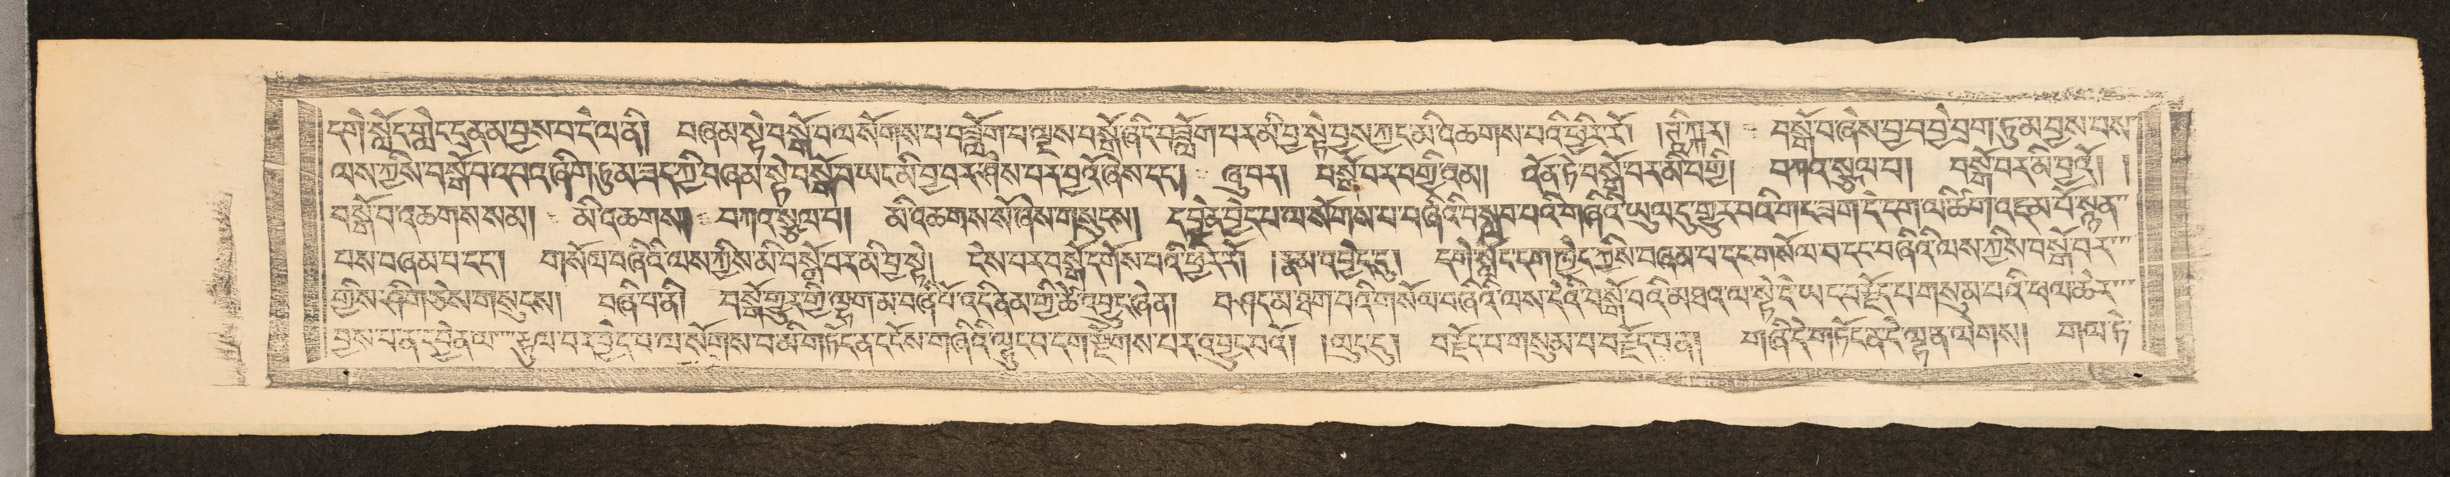དགེ་སློང་གླེང་དྲན་མ་བྱས་པ་དེ་ལ་ནི། བཞམ་སྟེ་བསྒོ་བ་ལ་སོགས་པ་བཟློག་པ་ལྔས་བསྒོ་ཞིང་བཟློག་པར་མི་བྱ་སྟེ་བྱས་ཀྱང་མི་འཆགས་པའི་ཕྱིར་རོ། །ཊཱིཀྐར། བསྒོ་བ་ཞེས་བྱ་བ་བྱེ་བྲག་ཏུ་མ་བྱས་པས་
ལས་ཀྱིས་བསྒོ་བ་འབའ་ཞིག་ཏུ་མ་ཟད་ཀྱི་བཞམ་སྟེ་བསྒོ་བ་ཡང་མི་བྱ་བར་ཤེས་པར་བྱའོ་ཞེས་དང་། ཞུ་བར། བསྒོ་བར་བགྱི་འམ། འོན་ཏེ་བསྒོ་བར་མི་བགྱི། བཀའ་སྩལ་པ། བསྒོ་བར་མི་བྱའོ། །
བསྒོ་བ་འཆགས་སམ། མི་འཆགས། བཀའ་སྩལ་པ། མི་འཆགས་སོ་ཞེས་གསུངས། དབྱེན་བྱེད་པ་ལ་སོགས་པ་བཞིའི་བསླབ་པའི་གཞིའི་ཡུལ་དུ་གྱུར་བའི་གང་ཟག་དེ་དག་ལ་ཚིག་འཇམ་པོ་སྙན་
པས་བཞམ་པ་དང་། གསོལ་བཞིའི་ལས་ཀྱིས་མི་བསྒོ་བར་མི་བྱ་སྟེ། དེས་པར་བསྒོ་དགོས་པའི་ཕྱིར་རོ། །རྣམ་འབྱེད་དུ། དགེ་སློང་དག་ཁྱེད་ཀྱིས་བཞམ་པ་དང་གསོལ་བ་དང་བཞིའི་ལས་ཀྱིས་བསྒོ་བར་
གྱིས་ཤིག་ཅེས་གསུངས། བཞི་པ་ནི། བསྒོ་གྱུར་གྱི་ལྷག་མ་བཞི་པོ་འདི་ནམ་གྱི་ཚེ་འབྱུང་ཞེ་ན། བཤད་མ་ཐག་པའི་གསོལ་བཞིའི་ལས་དེའི་བསྒོ་བའི་མཐའ་ལ་སྟེ་དེ་ཡང་བརྗོད་པ་གསུམ་པའི་ཕལ་ཆེར་
བྱས་པ་ན་དབྱེན་ལ་རྟུལ་བར་བྱེད་པ་ལ་སོགས་པ་མི་གཏོང་ན་དངོས་གཞིའི་ལྟུང་བ་དག་རྫོགས་པར་འབྱུང་བའོ། །ལུང་དུ། བརྗོད་པ་གསུམ་པ་བརྗོད་པ་ན། གཞི་དེ་གཏོང་ན་དེ་ལྟ་ན་ལེགས། གལ་ཏེ་